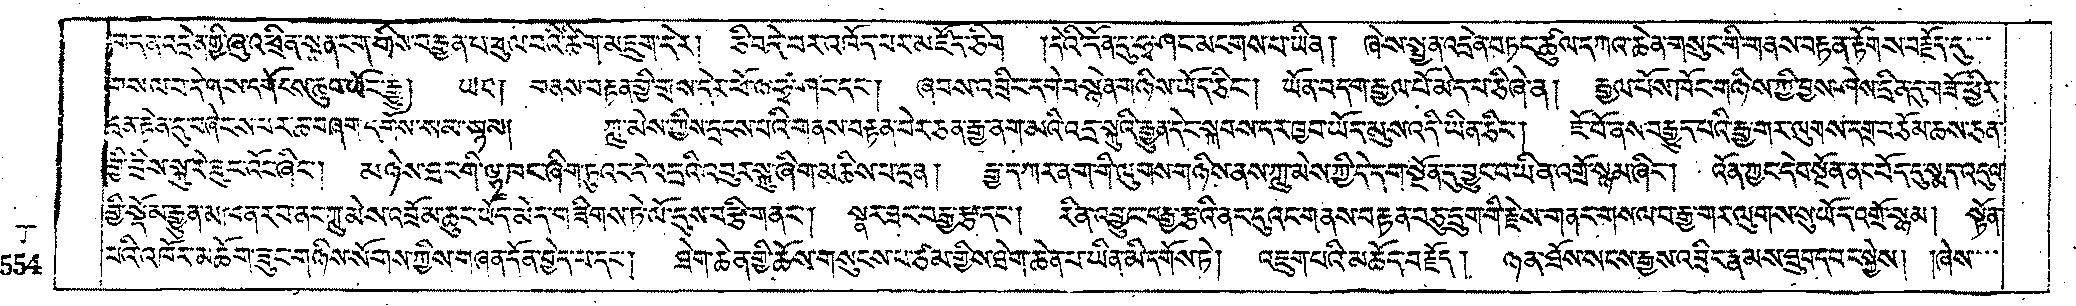གདན་འདྲེན་གྱི་ཞུ་འཕྲིན་སྙན་ངག་གིས་བརྒྱན་པ་ཕུལ་བའི་ཚིག་མཇུག་དེར། ཅི་བདེ་བར་འཁོད་པར་མཛོད་ཅིག །དེའི་དོན་དུ་ཧྭ་ཤང་མངགས་པ་ཡིན། ཞེས་སྤྱན་འདྲེན་བཏང་ཚུལ་དཀའ་ཆེན་གསུང་གི་གནས་བརྟན་རྟོགས་བརྗོད་དུ་་་
གསལ་བ་དེ་གས་དགོངས་ཆུབ་ཡོང་རྒྱུ། ཡང་། གནས་བརྟན་གྱི་གྲས་དེར་ཕོ་ཉ་ཧྭ་ཤང་དང་། ཞབས་འབྲིང་དགེ་བསྙེན་གཉིས་ཡོད་ཅིང་། ཡོན་བདག་རྒྱལ་པོ་མེད་པ་ཅི་ཞེ་ན། རྒྱལ་པོས་ཁོང་གཉིས་ཀྱི་བྱས་ཤེས་དྲིན་དུ་གཟོ་ཕྱིར་
དྲན་རྟེན་དུ་བཞེངས་པར་ཆ་བཞག་དགོས་སམ་སྙམ། ཀླུ་མེས་ཀྱིས་དྲངས་པའི་གནས་བརྟན་བེར་ཅན་རྒྱ་ནག་མའི་འདྲ་སྐུའི་རྒྱུན་དེང་སྐབས་དར་ཁྱབ་ཡོད་མུས་འདི་ཡིན་ཅིང་། ཇོ་བོ་ནས་བརྒྱུད་པའི་རྒྱ་གར་ལུགས་དགྲ་བཅོམ་ཆས་ཅན་
གྱི་བྲིས་སྐུ་རེ་ཟུང་འོང་ཞིང་། མཉེས་ཐང་གི་ལྷ་ཁང་ཞིག་ཏུའང་དེ་འདྲའི་འབུར་སྐུ་ཞིག་མཆིས་པ་དྲན། རྒྱ་དཀར་ནག་གི་ལུགས་གཉིས་ནས་ཀླུ་མེས་ཀྱི་དེ་དག་སྔོན་དུ་བྱུང་བ་ཡིན་འགྲོ་སྙམ་ཞིང་། འོན་ཀྱང་དེབ་སྔོན་ནང་བོད་དུ་སྨད་འདུལ་
གྱི་སྡོམ་རྒྱུན་མཁན་རབ་ནང་ཀླུ་མེས་འབྲོམ་ཆུང་ཡོད་མེད་གཟིགས་ཏེ་ལོ་དུས་བརྩི་གནང་། སྣར་ཐང་བརྒྱ་རྩ་དང་། རིན་འབྱུང་བརྒྱ་རྩའི་ནང་དུའང་གནས་བརྟན་བཅུ་དྲུག་གི་རྗེས་གནང་གསལ་བ་རྒྱ་གར་ལུགས་སུ་ཡོད་འགྲོ་སྙམ། སྟོན་
པའི་འཁོར་མཆོག་ཟུང་གཉིས་སོགས་ཀྱིས་གཞན་དོན་བྱེད་པ་དང་། ཐེག་ཆེན་གྱི་ཆོས་གསུངས་པ་ཙམ་གྱིས་ཐེག་ཆེན་པ་ཡིན་མི་དགོས་ཏེ། འཇུག་པའི་མཆོད་བརྗོད། ཉན་ཐོས་སངས་རྒྱས་འབྲིང་རྣམས་ཐུབ་དབང་སྐྱེས། །ཞེས་་་